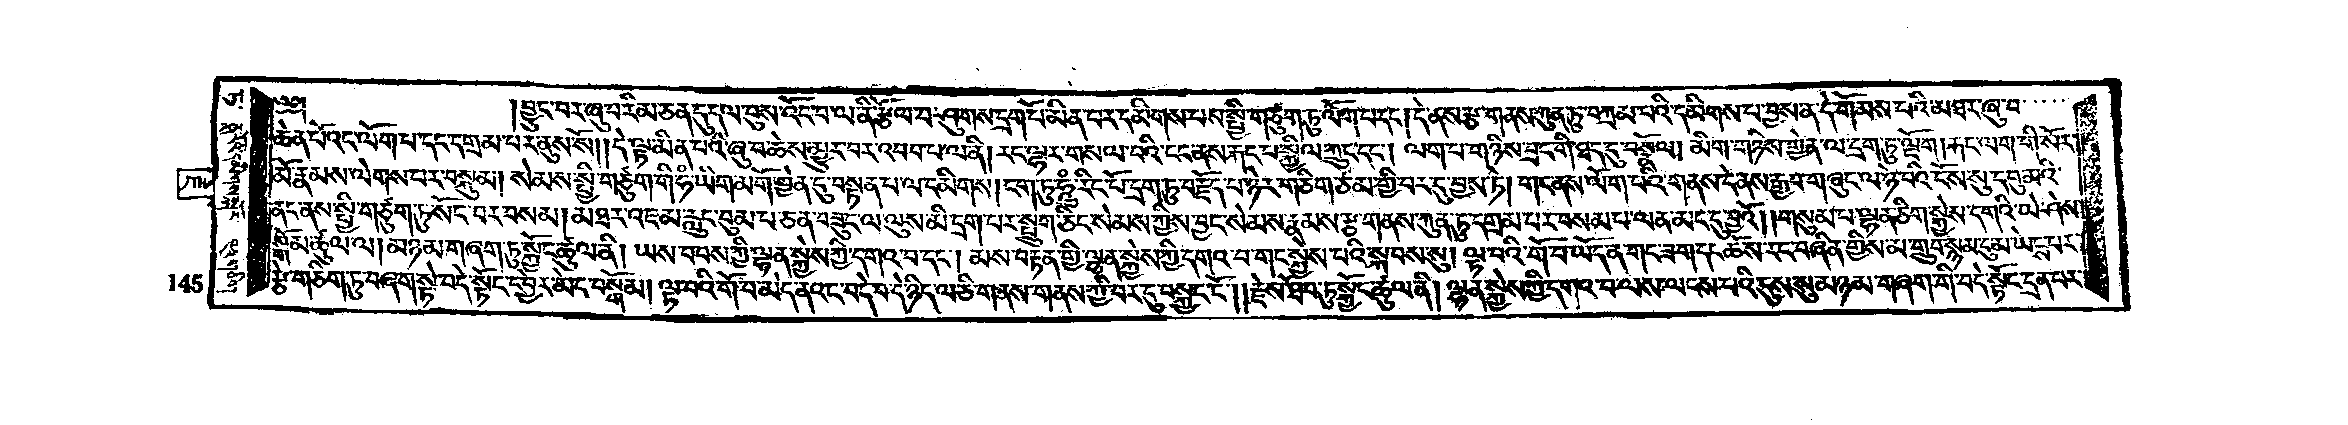༄༅། །བྱུང་བར་ཞུ་བ་རིམ་ཅན་དུ་དལ་བུས་འོང་བ་ལ་ནི་རྩོལ་བ་ཤུགས་དྲག་པོ་མིན་པར་དམིགས་པས་སྤྱི་གཙུག་ཏུ་ལོག་པ་དང་། དེ་ནས་རྩ་གནས་ཀུན་ཏུ་བཀྲམ་པའི་དམིགས་པ་བྱས་ན་དེ་གོམས་པའི་མཐར་ཞུ་བ་
ཆེན་པོའང་ལོག་པ་དང་དགྲམ་པར་ནུས་སོ། །དེ་ལྟ་མིན་པའི་ཞུ་བ་ཆེས་མྱུར་བར་འབབ་པ་ལ་ནི། རང་ལྷར་གསལ་བའི་ངང་ནས་རྐང་པ་སྐྱིལ་ཀྲུང་དང་། ལག་པ་གཉིས་བྲང་གི་ཐད་དུ་བསྣོལ། མིག་གཉིས་གྱེན་ལ་དྲག་ཏུ་ལྡོག། རྐང་ལག་གི་སོར་
མོ་རྣམས་ལེགས་པར་བསྐུམ། སེམས་སྤྱི་གཙུག་གི་ཧཾ་ཡིག་མགོ་གྱེན་དུ་བསྟན་པ་ལ་དམིགས། ངག་ཏུ་ཧཱུཾ་རིང་པོ་དྲག་ཏུ་བརྗོད་པ་ཉེར་གཅིག་ཙམ་གྱི་བར་དུ་བྱས་ཏེ། གང་ནས་ལོག་པའི་གནས་དེ་ནས་རྒྱ་བ་གཞུང་ལ་ཉེ་བའི་ངོས་སུ་དབུ་མའི་
ནང་ནས་སྤྱི་གཙུག་ཏུ་སོང་བར་བསམ། མཐར་འཇམ་རླུང་བུམ་པ་ཅན་བཟུང་ལ་ལུས་མི་དྲག་པར་སྤྲུག་ཅིང་སེམས་ཀྱིས་བྱང་སེམས་རྣམས་རྩ་གནས་ཀུན་ཏུ་དགྲམ་པར་བསམ་པ་ལན་མང་དུ་བྱའོ། །གསུམ་པ་ལྷན་ཅིག་སྐྱེས་དགའི་ཡེ་ཤེས་
སྒོམ་ཚུལ་ལ། མཉམ་གཞག་ཏུ་སྐྱོང་ཚུལ་ནི། ཡས་བབས་ཀྱི་ལྷན་སྐྱེས་ཀྱི་དགའ་བ་དང་། མས་བརྟན་གྱི་ལྷན་སྐྱེས་ཀྱི་དགའ་བ་གང་སྐྱེས་པའི་སྐབས་སུ། ལྟ་བའི་གོ་བ་ཡོད་ན་གང་ཟག་དང་ཆོས་རང་བཞིན་གྱིས་མ་གྲུབ་སྙམ་དུམ་ཡེངས་པར་
རྩེ་གཅིག་ཏུ་བཞག་སྟེ་བདེ་སྟོང་དབྱེར་མེད་བསྒོམ། ལྟ་བའི་གོ་བ་མེད་ནའང་བདེ་བ་དེ་ཉིད་ལ་ཅི་གནས་གནས་ཀྱི་བར་དུ་བསྐྱང་ངོ། །རྗེས་ཐོབ་ཏུ་སྐྱོང་ཚུལ་ནི། ལྷན་སྐྱེས་ཀྱི་དགའ་བ་ལས་ལངས་པའི་དུས་སུ་མཉམ་གཞག་གི་བདེ་སྟོང་དྲན་པར་